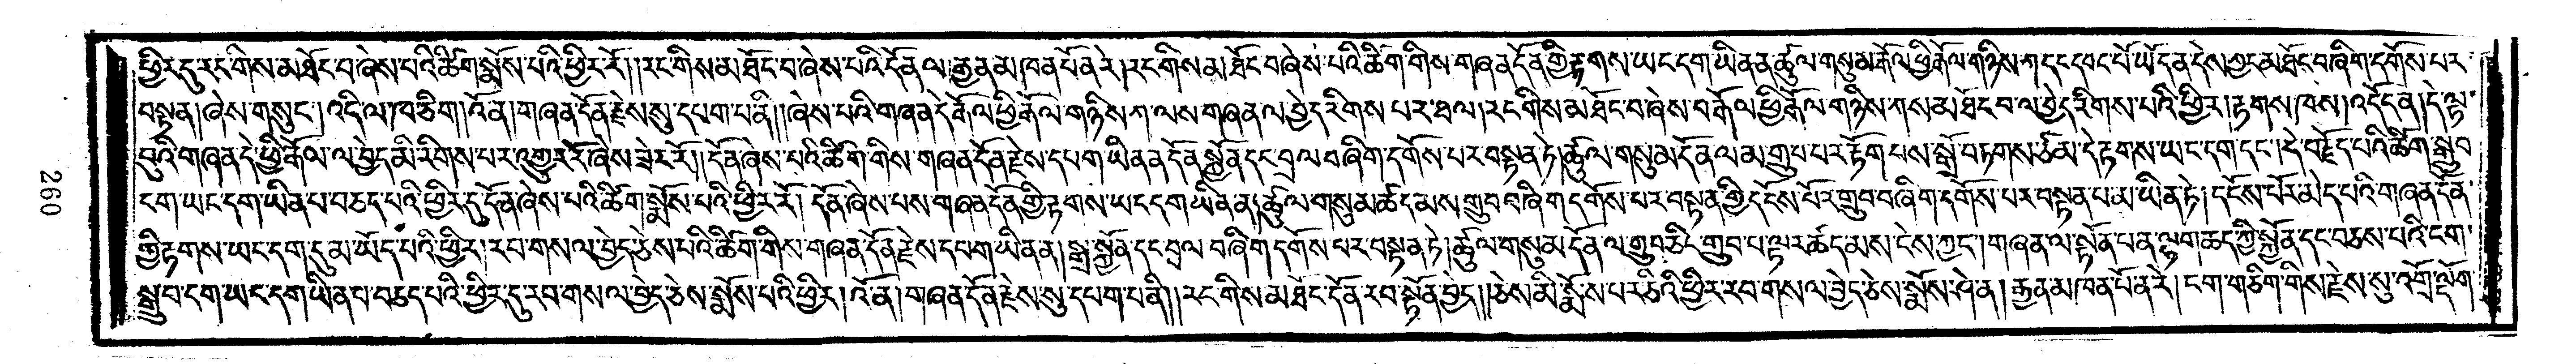ཕྱིར་དུ་རང་གིས་མཐོང་བ་ཞེས་པའི་ཚིག་སྨོས་པའི་ཕྱིར་རོ། །རང་གིས་མཐོང་བ་ཞེས་པའི་དོན་ལ། རྒྱན་མཁན་པོ་ན་རེ། རང་གིས་མཐོང་བ་ཞེས་པའི་ཚིག་གིས་གཞན་དོན་གྱི་རྟགས་ཡང་དག་ཡིན་ན། ཚུལ་གསུམ་རྒོལ་ཕྱི་རྒོལ་གཉིས་ཀ་དང་དབང་པོ་ཡོད་ན་དེས་ཀྱང་མཐོང་བ་ཞིག་དགོས་པར་
བསྟན། ཞེས་གསུངས། འདི་ལ་ཁ་ཅིག །འོ་ན། གཞན་དོན་རྗེས་སུ་དཔག་པ་ནི། །ཞེས་པའི་གཞན་དེ་རྒོལ་ཕྱི་རྒོལ་གཉིས་ཀ་ལས་གཞན་ལ་བྱེད་རིགས་པར་ཐལ། རང་གིས་མཐོང་བ་ཞེས་པ་རྒོལ་ཕྱི་རྒོལ་གཉིས་ཀས་མཐོང་བ་ལ་བྱེད་རིགས་པའི་ཕྱིར། རྟགས་ཁས། འདོད་ན། དེ་ལྟ་
བུའི་གཞན་དེ་ཕྱི་རྒོལ་ལ་བྱེད་མི་རིགས་པར་འགྱུར་རོ་ཞེས་ཟེར་རོ། །དོན་ཞེས་པའི་ཚིག་གིས་གཞན་དོན་རྗེས་དཔག་ཡིན་ན་དོན་སྐྱོན་དང་བྲལ་བ་ཞིག་དགོས་པར་བསྟན་ཏེ། ཚུལ་གསུམ་དོན་ལ་མ་གྲུབ་པར་རྟོག་པས་སྒྲོ་བཏགས་ཙམ་དེ་རྟགས་ཡང་དག་དང་། དེ་བརྗོད་པའི་ཚིག་སྒྲུབ་
ངག་ཡང་དག་ཡིན་པ་བཅད་པའི་ཕྱིར་དུ་དོན་ཞེས་པའི་ཚིག་སྨོས་པའི་ཕྱིར་རོ། །དོན་ཞེས་པས་གཞན་དོན་གྱི་རྟགས་ཡང་དག་ཡིན་ན། ཚུལ་གསུམ་ཚད་མས་གྲུབ་པ་ཞིག་དགོས་པར་བསྟན་གྱི་དངོས་པོར་གྲུབ་པ་ཞིག་དགོས་པར་བསྟན་པ་མ་ཡིན་ཏེ། དངོས་པོར་མེད་པའི་གཞན་དོན་
གྱི་རྟགས་ཡང་དག་དུ་མ་ཡོད་པའི་ཕྱིར། རབ་གསལ་བྱེད་ཅེས་པའི་ཚིག་གིས་གཞན་དོན་རྗེས་དཔག་ཡིན་ན། སྒྲ་སྐྱོན་དང་བྲལ་བ་ཞིག་དགོས་པར་བསྟན་ཏེ། ཚུལ་གསུམ་དོན་ལ་གྲུབ་ཅིང་གྲུབ་པ་ལྟར་ཚད་མས་ངེས་ཀྱང་། གཞན་ལ་སྟོན་པ་ན་ལྷག་ཆད་ཀྱི་སྐྱོན་དང་བཅས་པའི་ངག་
སྒྲུབ་ངག་ཡང་དག་ཡིན་པ་བཅད་པའི་ཕྱིར་དུ་རབ་གསལ་བྱེད་ཅེས་སྨོས་པའི་ཕྱིར། འོ་ན། གཞན་དོན་རྗེས་སུ་དཔག་པ་ནི། །རང་གིས་མཐོང་དོན་རབ་སྟོན་བྱེད། །ཅེས་མི་སྨོས་པར་ཅིའི་ཕྱིར་རབ་གསལ་བྱེད་ཅེས་སྨོས་ཤེ་ན། རྒྱན་མཁན་པོ་ན་རེ། ངག་གཅིག་གིས་རྗེས་སུ་འགྲོ་ལྡོག་